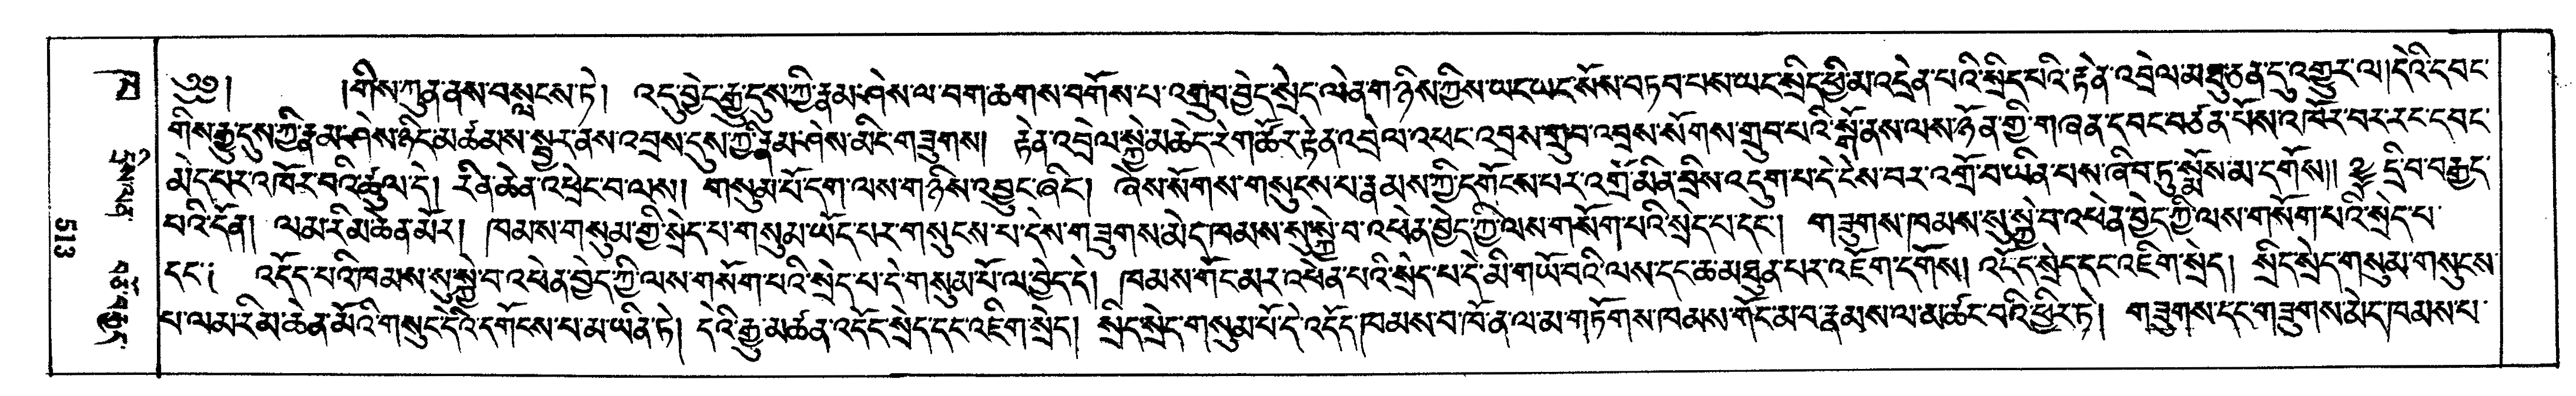༄༅། །གིས་ཀུན་ནས་བསླངས་ཏེ། འདུ་བྱེད་རྒྱུ་དུས་ཀྱི་རྣམ་ཤེས་ལ་བག་ཆགས་བགོས་པ་འགྲུབ་བྱེད་སྲེད་ལེན་གཉིས་ཀྱིས་ཡང་ཡང་སོས་བཏབ་པས་ཡང་སྲིད་ཕྱི་མ་འདྲེན་པའི་སྲིད་པའི་རྟེན་འབྲེལ་མཐུ་ཅན་དུ་འགྱུར་ལ། དེའི་དབང་
གིས་རྒྱུ་དུས་ཀྱི་རྣམ་ཤེས་ཉིད་མཚམས་སྦྱར་ནས་འབྲས་དུས་ཀྱི་རྣམ་ཤེས་མིང་གཟུགས། རྟེན་འབྲེལ་སྐྱེ་མཆེད་རེག་ཚོར་རྟེན་འབྲེལ་འཕང་འབྲས་གྲུབ་འབྲས་སོགས་གྲུབ་པའི་སྒོ་ནས་ལས་ཉོན་གྱི་གཞན་དབང་བ་ཙན་པོས་འཁོར་བར་རང་དབང་
མེད་པར་འཁོར་བའི་ཚུལ་དེ། རིན་ཆེན་འཕྲེང་བ་ལས། གསུམ་པོ་དག་ལས་གཉིས་འབྱུང་ཞིང་། ཞེས་སོགས་གསུངས་པ་རྣམས་ཀྱི་དགོངས་པར་འགྲོ་མིན་བྲིས་འདུག་པ་དེ་ངེས་པར་འགྲོ་བ་ཡིན་པས་ཞིབ་ཏུ་སྨོས་མ་དགོས།། ༈ དྲི་བ་བརྒྱད་
པའི་དོན། ལམ་རིམ་ཆེན་མོར། ཁམས་གསུམ་གྱི་སྲེད་པ་གསུམ་ཡོད་པར་གསུངས་པ་དེས་གཟུགས་མེད་ཁམས་སུ་སྐྱེ་བ་འཕེན་བྱེད་ཀྱི་ལས་གསོག་པའི་སྲེད་པ་དང་། གཟུགས་ཁམས་སུ་སྐྱེ་བ་འཕེན་བྱེད་ཀྱི་ལས་གསོག་པའི་སྲེད་པ་
དང༑ འདོད་པའི་ཁམས་སུ་སྐྱེ་བ་འཕེན་བྱེད་ཀྱི་ལས་གསོག་པའི་སྲེད་པ་དེ་གསུམ་པོ་ལ་བྱེད་དེ། ཁམས་གོང་མར་འཕེན་པའི་སྲེད་པ་དེ་མི་གཡོ་བའི་ལས་དང་ཆ་མཐུན་པར་འཇོག་དགོས། འདོད་སྲེད་དང་འཇིག་སྲེད། སྲིད་སྲེད་གསུམ་གསུངས་
པ་ལམ་རིམ་ཆེན་མོའི་གསུང་དེའི་དགོངས་པ་མ་ཡིན་ཏེ། དེའི་རྒྱུ་མཚན་འདོད་སྲེད་དང་འཇིག་སྲེད། སྲིད་སྲེད་གསུམ་པོ་དེ་འདོད་ཁམས་པ་ཁོ་ན་ལམ་གཏོགས་ཁམས་གོང་མ་བ་རྣམས་ལ་མ་ཚད་པའི་ཕྱིར་ཏེ། གཟུགས་དང་གཟུགས་མེད་ཁམས་པ་